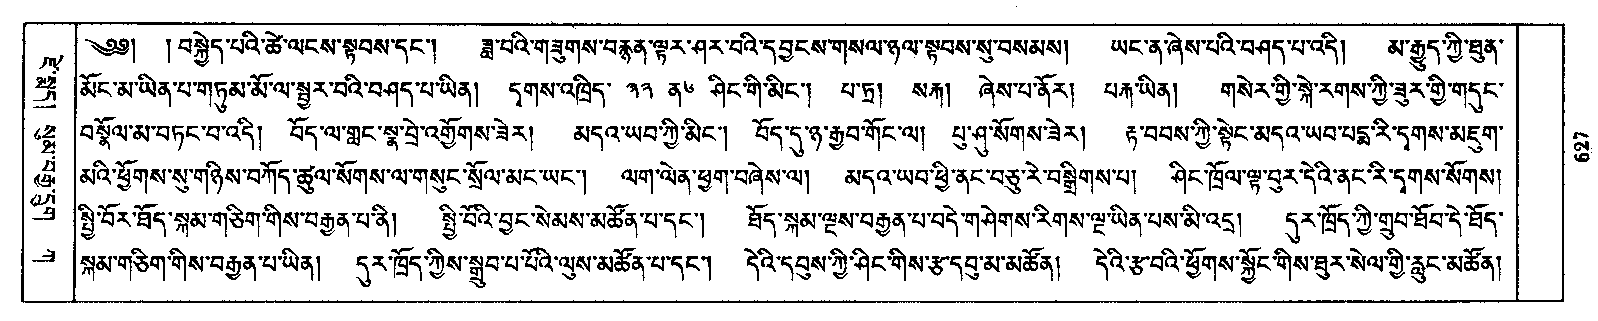༄༅། །བསྐྱེད་པའི་ཚེ་ལངས་སྟབས་དང་། ཟླ་བའི་གཟུགས་བརྙན་ལྟར་ཤར་བའི་དབྱངས་གསལ་ཉལ་སྟབས་སུ་བསམས། ཡང་ན་ཞེས་པའི་བཤད་པ་འདི། མ་རྒྱུད་ཀྱི་ཐུན་
མོང་མ་ཡིན་པ་གཏུམ་མོ་ལ་སྦྱར་བའི་བཤད་པ་ཡིན། དྭགས་འཁྲིད ༣༢་ན ༦་ཤིང་གི་མིང་། པ་ཏྲ། སརྐ། ཞེས་པ་ནོར། པརྐ་ཡིན། གསེར་གྱི་སྐེ་རགས་ཀྱི་ཟུར་གྱི་གདུང་
བསྣོལ་མ་བཏང་བ་འདི། བོད་ལ་གླང་སྣ་བྲེ་འགྱོགས་ཟེར། མདའ་ཡབ་ཀྱི་མིང་། བོད་དུ་ཉ་རྒྱབ་གོང་ལ། པུ་ཤུ་སོགས་ཟེར། རྟ་བབས་ཀྱི་སྟེང་མདའ་ཡབ་པདམ་རི་དྭགས་མཇུག་
མའི་ཕྱོགས་སུ་གཉིས་བཀོད་ཚུལ་སོགས་ལ་གསུང་སྲོལ་མང་ཡང་། ལག་ལེན་ཕྱག་བཞེས་ལ། མདའ་ཡབ་ཕྱི་ནང་བཅུ་རེ་བསྒྲིགས་པ། ཤིང་ཁྲོལ་ལྟ་བུར་དེའི་ནང་རི་དྭགས་སོགས།
སྤྱི་བོར་ཐོད་སྐམ་གཅིག་གིས་བརྒྱན་པ་ནི། སྤྱི་བོའི་བྱང་སེམས་མཚོན་པ་དང་། ཐོད་སྐམ་ལྔས་བརྒྱན་པ་བདེ་གཤེགས་རིགས་ལྔ་ཡིན་པས་མི་འདྲ། དུར་ཁྲོད་ཀྱི་གྲུབ་ཐོབ་དེ་ཐོད་
སྐམ་གཅིག་གིས་བརྒྱན་པ་ཡིན། དུར་ཁྲོད་ཀྱིས་སྒྲུབ་པ་པོའི་ལུས་མཚོན་པ་དང་། དེའི་དབུས་ཀྱི་ཤིང་གིས་རྩ་དབུ་མ་མཚོན། དེའི་རྩ་བའི་ཕྱོགས་སྐྱོང་གིས་ཐུར་སེལ་གྱི་རླུང་མཚོན།